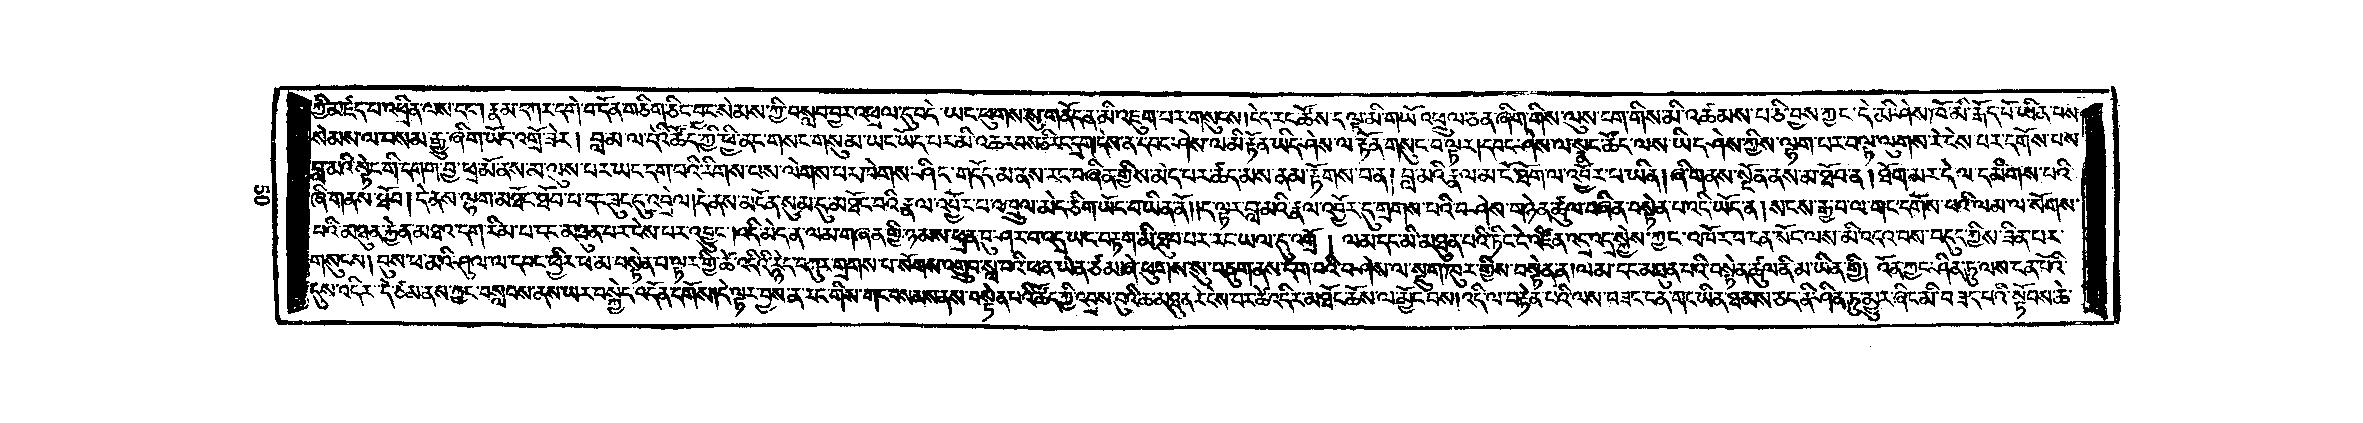ཀྱི་མཛད་པ་འཕྲིན་ལས་དང་། རྣམ་དཀར་དགེ་བ་དོན་གཅིག་ཅིང་བྱང་སེམས་ཀྱི་བསླབ་བྱར་འཕྲལ་དུ་བདེ་ཡང་ཕུགས་སུ་གནོད་ན་མི་འཇུག་པར་གསུངས། ངེད་རང་ཚོས་ད་ལྟ་མི་གཡོ་འཕྲུལ་ཅན་ཞིག་གིས་ལུས་ངག་གིས་མི་འཚམས་པ་ཅི་བྱས་ཀྱང་དེ་མི་ཤེས་ཁོ་མི་རྒོད་པོ་ཡིན་པས་
སེམས་ལ་བསམ་རྒྱུ་ཞིག་ཡོད་འགྲོ་ཟེར། བླ་མ་ལ་དེའི་ཚོད་ཀྱི་ཕྱི་ནང་གསང་གསུམ་ཡང་ཡོད་པར་མི་འཆར་བས་ཅི་རང་དྲག །དེས་ན་དབང་ཤེས་ལ་མི་རྟོན་ཡིད་ཤེས་ལ་རྟོན་གསུང་བ་ལྟར། དབང་ཤེས་ལ་སྣང་ཚོད་ལས་ཡིད་ཤེས་ཀྱིས་ལྷག་པར་བལྟ་ལུགས་རེ་ངེས་པར་དགོས་པས་
བླ་མའི་སྟེང་གི་དགག་བྱ་ཕྲ་མོ་ནས་མ་ལུས་པར་ཡང་དག་པའི་རིགས་པས་ལེགས་པར་ཁེགས་ཤིང་གདོད་མ་ནས་རང་བཞིན་གྱིས་མེད་པར་ཚད་མས་ནམ་རྟོགས་པ་ན། བླ་མའི་རྣལ་མ་ངོ་ཐོག་ལ་འབྱོར་པ་ཡིན། ཞི་གནས་སྔོན་ནས་མ་ཐོབ་ན། ཐོག་མར་དེ་ལ་དམིགས་པའི་
ཞི་གནས་ཐོབ། དེ་ནས་ལྷག་མཐོང་ཐོབ་པ་དང་ཟུང་དུ་འབྲེལ། དེ་ནས་མངོན་སུམ་དུ་མཐོང་བའི་རྣལ་འབྱོར་པ་འཁྲུལ་མེད་ཅིག་ཡོང་བ་ཡིན་ནོ། །ད་ལྟར་བླ་མའི་རྣལ་འབྱོར་དུ་གྲགས་པའི་བཤེས་གཉེན་ཚུལ་བཞིན་བསྟེན་པ་འདི་ཡོད་ན། སངས་རྒྱ་བ་ལ་གང་དགོས་པའི་ལམ་ལ་སོགས་
པའི་མཐུན་རྐྱེན་མཐའ་དག་རིམ་པ་དང་མཐུན་པར་ངེས་པར་འབྱུང་། འདི་མེད་ན་ལམ་གཞན་གྱི་ཉམས་ཕྲན་བུ་ཤར་བ་འདྲ་ཡང་བརྟག་མི་ཐུབ་པར་རང་ཡལ་དུ་འགྲོ་།ལམ་དང་མི་མཐུན་པའི་ཏིང་ངེ་འཛིན་འདྲ་འདྲ་སྐྱེས་ཀྱང་འཁོར་བ་ངན་སོང་ལས་མི་འདའ་བས་བདུད་ཀྱིས་ཟིན་པར་
གསུངས། བུས་ཕ་མའི་ཤུལ་ལ་དབང་ཕྱིར་ཕ་མ་བསྟེན་པ་ལྟར་གྱི་ཚེ་འདིའི་རྙེད་བཀུར་གྲགས་པ་སོགས་འགྲུབ་སླ་བའི་ཕན་ཡོན་ཙམ་ཞེ་ཕུགས་སུ་བཅུག་ནས་དག་བའི་བཤེས་ལ་སྡུག་ཁུར་གྱིས་བསྟེན་ན། ལམ་དང་མཐུན་པའི་བསྟེན་ཚུལ་ནི་མ་ཡིན་གྱི། འོན་ཀྱང་ཤིན་ཏུ་ལས་ངན་པོའི་
དུས་འདིར་དེ་ཙམ་ནས་ཀྱང་བསླབས་ནས་ཡར་བསྐྱེད་འདོན་དགོས། དེ་ལྟར་བྱས་ན་རང་གིས་གང་བསམས་ནས་བསྟེན་པའི་ཚོད་ཀྱི་འབྲས་བུའི་ཆ་མཐུན་རེ་ངེས་པར་ཚེ་འདིར་མཐོང་ཆོས་ལ་མྱོང་བས། འདི་ལ་བརྟེན་པའི་ལས་བཟང་ངན་གང་ཡིན་ཐམས་ཅད་ནི་ཤིན་ཏུ་མྱུར་ཞིང་མི་བཟད་པའི་སྟོབས་ཆེ་